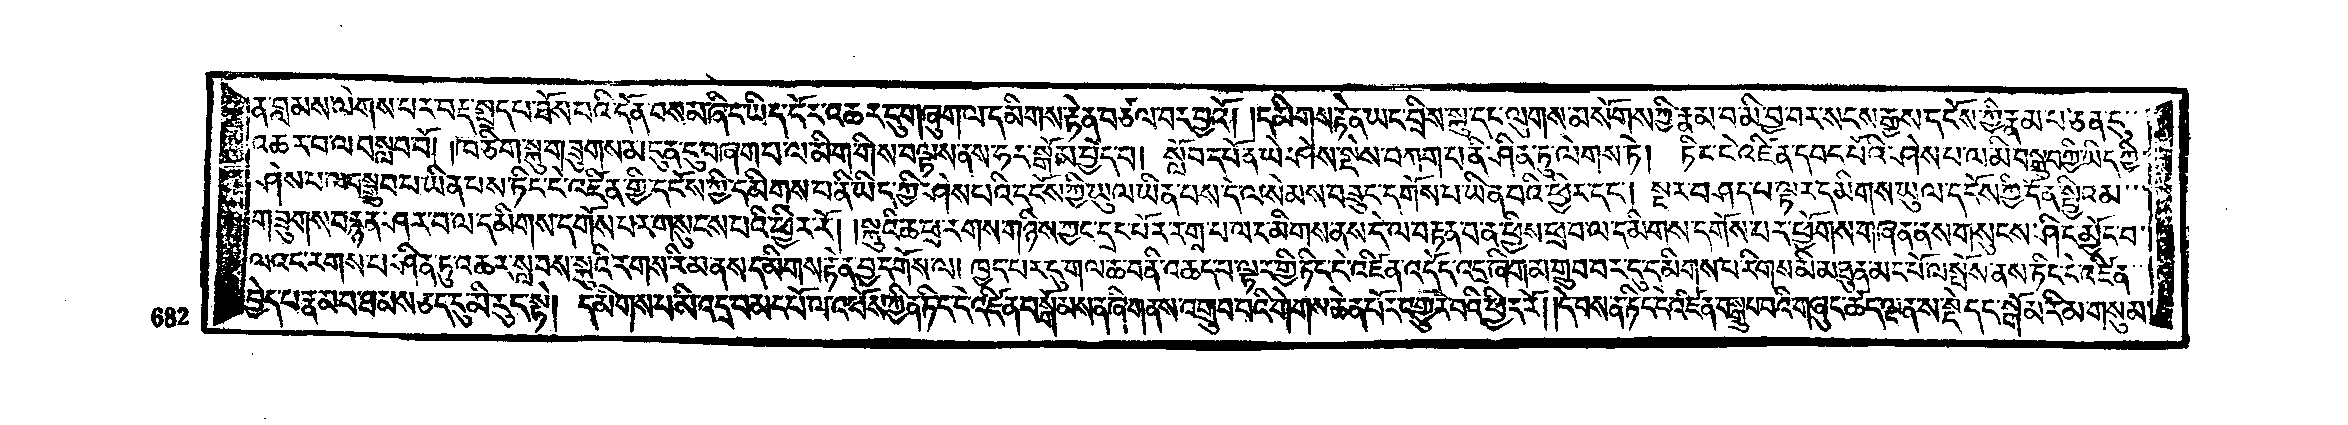ན་བླ་མས་ལེགས་པར་བརྡ་སྤྲད་པ་ཐོས་པའི་དོན་བསམ་ཞིང་ཡིད་ངོར་འཆར་དུ་གཞུག་ལ་དམིགས་རྟེན་བཙལ་བར་བྱའོ། །དམིགས་རྟེན་ཡང་བྲིས་སྐུ་དང་ལུགས་མ་སོགས་ཀྱི་རྣམ་པ་མི་བྱ་བར་སངས་རྒྱས་དངོས་ཀྱི་རྣམ་པ་ཅན་དུ་
འཆར་བ་ལ་བསླབ་བོ། །ཁ་ཅིག་སྐུ་གཟུགས་མདུན་དུ་བཞག་པ་ལ་མིག་གིས་བལྟས་ནས་ཧར་སྒོམ་བྱེད་པ། སློབ་དཔོན་ཡེ་ཤེས་སྡེས་བཀག་པ་ནི་ཤིན་ཏུ་ལེགས་ཏེ། ཏིང་ངེ་འཛིན་དབང་པོའི་ཤེས་པ་ལ་མི་བསྒྲུབ་ཀྱི་ཡིད་ཀྱི་
ཤེས་པ་ལ་བསྒྲུབ་པ་ཡིན་པས་ཏིང་ངེ་འཛིན་གྱི་དངོས་ཀྱི་དམིགས་པ་ནི་ཡིད་ཀྱི་ཤེས་པའི་དངོས་ཀྱི་ཡུལ་ཡིན་པས་དེ་ལ་སེམས་བཟུང་དགོས་པ་ཡིན་པའི་ཕྱིར་དང་། སྔར་བཤད་པ་ལྟར་དམིགས་ཡུལ་དངོས་ཀྱི་དོན་སྤྱིའམ་
གཟུགས་བརྙན་ཤར་བ་ལ་དམིགས་དགོས་པར་གསུངས་པའི་ཕྱིར་རོ། །སྐུའི་ཆ་ཕྲ་རགས་གཉིས་ཀྱང་དང་པོར་རགས་པ་ལ་དམིགས་ནས་དེ་ལ་བརྟན་པ་ན་ཕྱིས་ཕྲ་བ་ལ་དམིགས་དགོས་པར་ཕྱོགས་གཞན་ནས་གསུངས་ཤིང་མྱོང་བ་
ལའང་རགས་པ་ཤིན་ཏུ་འཆར་སླ་བས་སྐུའི་རགས་རིམ་ནས་དམིགས་རྟེན་བྱ་དགོས་ལ། ཁྱད་པར་དུ་གལ་ཆེ་བ་ནི་འཆད་པ་ལྟར་གྱི་ཏིང་ངེ་འཛིན་འདོད་འདྲ་ཞིག་མ་གྲུབ་པར་དུ་དམིགས་པ་རིགས་མི་མཐུན་མང་པོ་ལ་སྤོས་ནས་ཏིང་ངེ་འཛིན་
བྱེད་པ་རྣམ་པ་ཐམས་ཅད་དུ་མི་རུང་སྟེ། དམིགས་པ་མི་འདྲ་བ་མང་པོ་ལ་འཕོས་ཀྱིན་?་ཏིང་ངེ་འཛིན་བསྒོམས་ན་ཞི་གནས་འགྲུབ་པའི་གེགས་ཆེན་པོར་འགྱུར་བའི་ཕྱིར་རོ། །དེ་བས་ན་ཏིང་ངེ་འཛིན་བསྒྲུབ་པའི་གཞུང་ཚད་ལྡན་ས་སྡེ་དང་སྒོམ་རིམ་གསུམ་